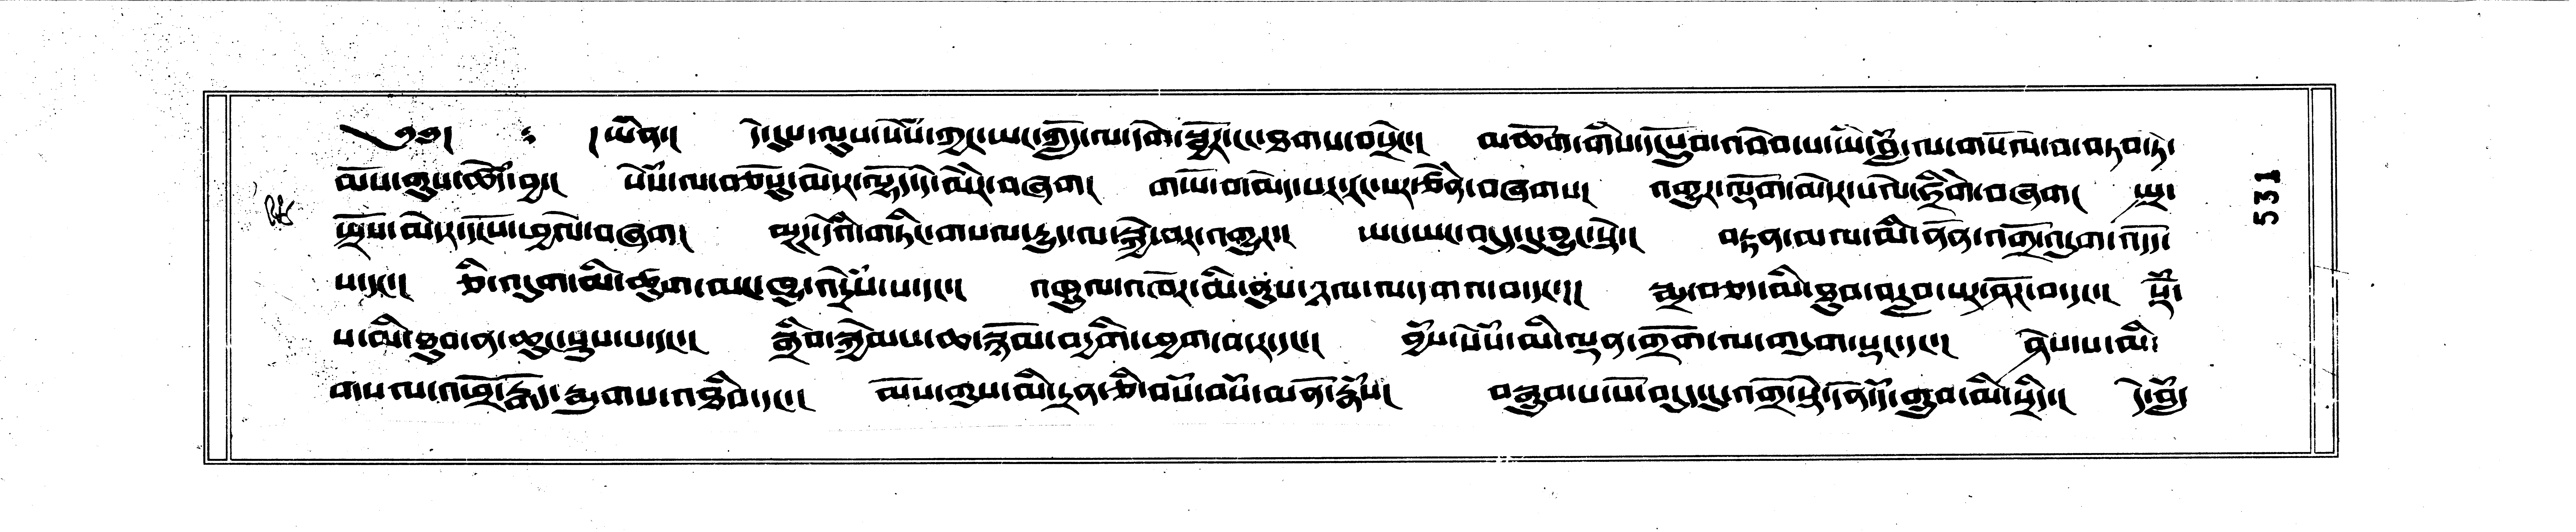ཡིན། དེ་དུས་ལུས་སེམས་གང་ཡང་ཀློད་ལ་ངང་ཐག་བསྲིང་། མཆོག་གིས་དངོས་གྲུབ་བྷེབ་(འབེབ)པའི་བླ་མ་ལ་གསོལ་བ་བཏབ་སྟེ། 
མོས་གུས་ཚད་མེད་བྱ། སེམས་བཅས་བཅོས་མེད་པར་ལྷོད་དེ་མེར་རེ་བཞག། གོལ་བ་མེད་པར་རང་སར་ཙེན་ནེ་བཞག འགྱུར་ལྡོག་མེད་པར་སལེ་ཧྲིག་གེ་བཞག སྤྲ་
སྤྲོ་མེད་པར་དངས་སང་ངེ་ཕྱལ་ལེ་ཞོག མེན་ངག་དེའི་གཏིང་གསལ་རྒྱུད་ལ་སྐྱེ་བར་གྱུར། ཡང་ཡང་བདུད་བྱུང་སྟེ། བརྟེན་མལ་མི་ནོན་འགྲོ་འདུག་འདོད་
པ་དང་། ཅིག་འདུག་མི་ཚུག་མང་ཁྱུ་འདྲིམ་༼འགྲིམ༽པ་དང་། འཁྲུལ་འཁོར་མི་ནུས་ཉལ་ལ་དགའ་བ་དང་། སྨྲ་བཅད་མི་ཚུག་གློ་ཤོར་བ་དང། སྡོམ་
མི་བསྲུངས་ན་ཆུང་བསྡུ་བ་དང་། བསྒྲུབ་བསྐྱེད་ཆུང་བས་མི་བསྒོམ་བརྒྱག་ཀྱིས་འཕྱལ་བཏང་དང་། བྱམས་སེམས་མི་ལྡན་གྲོགས་ལ་གཏུབ་སྡོང་དང་། ཤེས་པ་མི་
གསལ་འཕྲོ་རྒོད་རྨུག་འཐིབ་དང་། ལུས་པོ་‘‘མོས་གུས”མི་དྲན་ཕྱིན་བཅུའི་བསམ་མནོ་རྣམས། བསྒྲུབ་པའི་བདུད་དུ་འགྲོ་སྟེ་དོན་དམ་འགྲུབ་མི་སྲིད། དེ་དུས་